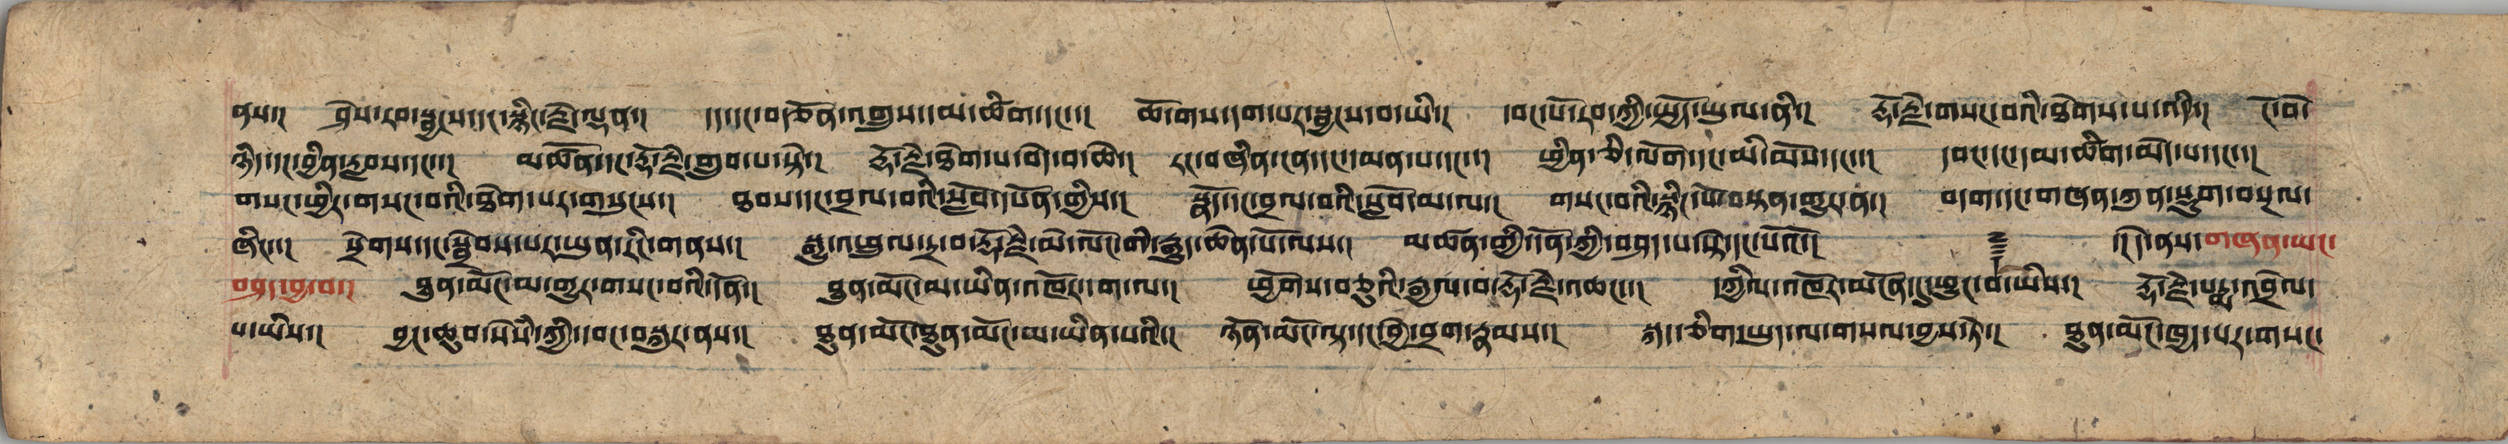ནས་། ཤེས་རབ་སྦྱངས་དང་སྙིང་རྗེ་ལྡན་། དད་དང་བརྩོན་འགྲུས་དམ་ཚིག་དང་་། ཆོ་གས་དག་པར་སྦྱངས་བ་ཡི་། དབང་པོ་རབ་ཀྱི་སྤྱོད་ཡུལ་ནི་། རྡོ་རྗེ་གསང་བའི་ཐེགས་པ་འདི་། ངོ་བོ་
ཉིད་དང་བྱིན་རླབས་དང་་། མཚོན་དང་རྡོ་རྗེ་གྲུབ་པ་སྟེ་། རྡོ་རྗེ་ཐེག་པ་བདེ་བ་ཆེ་། རང་བཞིན་ངན་དང་དམན་པ་དང་་། ཕྱིན་ཅི་ལོག་དང་མི་མོས་དང་་། དབང་དང་དམ་ཚིག་མེད་པ་དང་་།
གསང་ཕྱིར་གསང་བའི་ཐེག་པར་གསུངས་། ཐབས་དང་བྲལ་བའི་སློབ་དཔོན་གྱིས་། སྣོད་དང་བྲལ་བའི་སློབ་མ་ལ་། གསང་བའི་སྙིང་པོ་བསྟན་གྱུར་ན་། བདག་དང་གཞན་ཀུན་སྡུག་བསྔལ་
ཞིང་་། སྲེགས་དང་སྦྲེབས་པར་ཡུན་རིང་གནས་། སྒྱུ་འཕྲུལ་དྲ་བ་རྡོ་རྗེ་མེ་ལོང་གི་རྒྱུད་ཆེན་པོ་ལས་། མཚན་གྱི་དོན་ཀྱི་བཤད་པ་སྟེ་དང་པོའོ་། ࿑ ་།དེ་ནས་གཞན་ཡང་
བཤད་བྱ་བ་། ཐུན་མོང་མ་གྱུར་གསང་བའི་དོན་། ཐུན་མོང་མ་ཡིན་འཁོར་དག་ལ་། ཕྱོགས་བཅུའི་རྒྱལ་བ་རྡོ་རྗེ་འཆང་་། དཀྱིལ་འཁོར་མངོན་དུ་ཕྱུང་བ་ཡིས་། རྡོ་རྗེ་པདྨ་འབྲེལ་
པ་ཡིས་། བྱང་ཆུབ་སེསཾ་ཀྱི་དབང་བསྐུར་ནས་། ཐུན་མོང་ཐུན་མོང་མ་ཡིན་པའི་། ཉོན་མོང་ལྟ་དང་བྱེ་བྲག་རྣམས་། སྐད་ཅིག་ཡུད་ལ་གསལ་བྱས་ཏེ་། ཐུན་མོང་ཁྱད་པར་གསང་